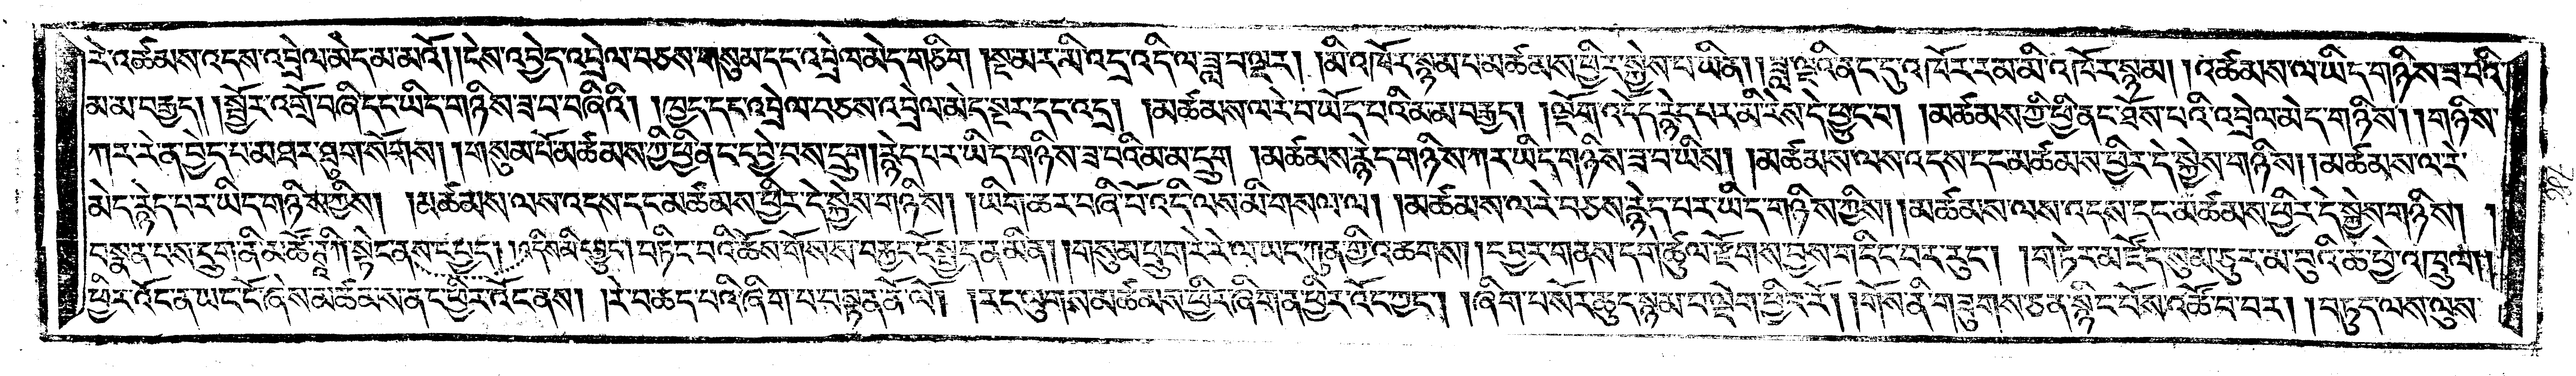རེ་འཚམས་འདས་འབྲེལ་མེད་མ་མའོ། །ངེས་འབྱེད་འབྲེལ་བཅས་གསུམ་དང་འབྲེལ་མེད་གཅིག །སྔ་མར་མི་འདྲ་འདི་ལ་ཟླ་བ་ལྡར། །མི་འཁོར་སྙམ་པ་མཚམས་ཕྱིར་སྐྱེས་པ་ཡིན། །ཟླ་ལྔའི་ནང་དུ་འཁོར་རམ་མི་འཁོར་སྙམ། །འཚམས་ལ་ཡིད་གཉིས་ཟ་བའི་
མ་མ་བརྒྱད། །སྦྱོར་འགྲོ་བཞི་དང་ཡིད་གཉིས་ཟ་བ་བཞིའི། །ཁྱད་དང་འབྲེལ་བཅས་འབྲེལ་མེད་སྔར་དང་འདྲ། །མཚམས་ལ་རེ་བ་ཡོད་པའི་མ་མ་བརྒྱད། །ལྡོག་འདོད་རྙེད་པར་མི་རེས་དེ་ཕྱུང་བ། །མཚམས་ཀྱི་ཕྱི་ནང་ཐོས་པའི་འབྲེལ་མེད་གཉིས། །གཉིས་
ཀར་རེན་བྱེད་པ་མཐར་ཐུག་སོགས། །གསུམ་པོ་མཚམས་ཀྱི་ཕྱི་ནང་དབྱེ་བས་དྲུག །རྙེད་པར་ཡིད་གཉིས་ཟ་བའི་མ་མ་དྲུག །མཚམས་རྙེད་གཉིས་ཀར་ཡིད་གཉིས་རྦ་བ་ཡིས། །མཚམས་ལས་འདམ་ངང་མཚམས་ཕྱིར་དེ་སྐྱེས་གཉིས། །མཚམས་ལ་རེ་
མེད་རྙེད་པར་ཡིད་གཉིས་ཀྱིས། །མཚམས་ལས་འདས་དང་མཚམས་ཕྱིར་དེ་སྐྱེས་གཉིས། །ཡིག་ཆར་བཞི་བོ་འདི་ལས་མི་གསལ་ལ། །མཚམས་ལ་རེ་བཅས་རྙེད་པར་ཡིད་གཉིས་ཀྱིས། །མཚམས་ལས་འདས་དང་མཚམས་ཕྱིར་དེ་སྐྱེས་གཉིས། །
བསྣན་པས་དྲུག་ནི་མཚོ་ཊཱིཀ་སྟེང་ནས་དཔྱད། །འདིས་མི་དབྱུང་། །བཏིང་བའི་ཆོས་གོས་ས་བརྐྱད་ངོ་སྤྱད་ན་མིན། །གསུམ་ཕྲུག་རེ་རེ་ལ་ཡང་ཀུན་གྱི་འཆགས། །དབྱར་གནས་དག་ཚུལ་རྫོགས་བྱས་གདིང་བར་རུང་། །གཏེར་མཛོད་སུམ་ཅུར་མ་བུའི་ཆ་ཕྱེ་འཁྲུལ། །
ཕྱིར་འོང་ན་ཡང་ངོ་ཞེས་མཚབས་ནང་ཕྱིར་འོང་ནས། །རེ་བ་ཆད་པའི་ཞིག་བ་བསྟན་ནོ་ལོ། །རང་ལུགས་མཚམས་ཕྱིར་ཞིག་ན་ཕྱིར་འོང་ཀྱང་། །ཞིག་པ་སོར་ཆུད་སྙམ་པ་ལྡོག་ཕྱིར་རོ། །གོས་ནི་གཟུགས་ཅན་སྙིང་བོས་འཚོ་བ་བར། །བཏུད་ལས་ལུས་